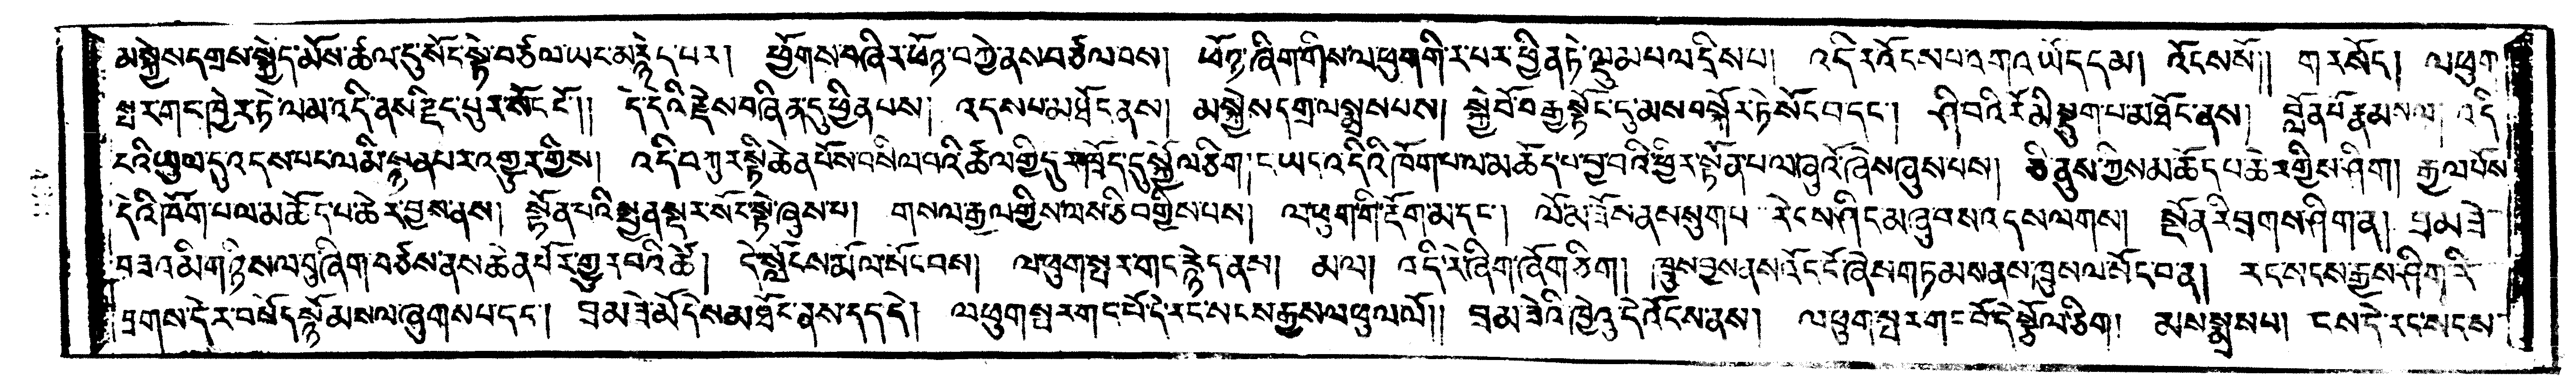མ་སྐྱེས་དགྲས་སྐྱེད་མོས་ཚལ་དུ་སོང་སྟེ་བཙལ་ཡང་མ་རྙེད་པར། ཕྱོགས་བཞིར་ཕོ་ཉ་བཀྱེ་ནས་བཙལ་བས། ཕོ་ཉ་ཞིག་གིས་ལ་ཕུག་གི་ར་པར་ཕྱིན་ཏེ་ལྡུམ་པ་ལ་དྲིས་པ། འདིར་འོངས་པ་འགའ་ཡོད་དམ། འོངས་སོ།། གར་སོང་། ལ་ཕུག་
སྤར་གང་ཁྱེར་ཏེ་ལམ་འདི་ནས་རྫིང་པུར་སོང་ངོ།། དེ་དེའི་རྗེས་བཞིན་དུ་ཕྱིན་པས། འདས་པ་མཐོང་ནས། མ་སྐྱེས་དགྲ་ལ་སྨྲས་པས། སྐྱེ་བོ་བརྒྱ་སྟོང་དུ་མས་བསྐོར་ཏེ་སོང་བ་དང་། ཤི་བའི་རོ་མི་སྡུག་པ་མཐོང་ནས། བློན་པོ་རྣམས་ལ། འདི་
ངའི་ཡུལ་དུ་འདས་པ་ལ་མི་སྙན་པར་འགྱུར་གྱིས། འདི་བཀུར་སྟི་ཆེན་པོས་བསིལ་བའི་ཚལ་གྱི་དུར་ཁྲོད་དུ་སྐྱོན་ཅིག །ང་ཡང་འདིའི་ཁོག་པ་ལ་མཆོད་པ་བྱ་བའི་ཕྱིར་སྟོན་པ་ལ་ཞུའོ་ཞེས་ཞུས་པས། ཅི་ནུས་ཀྱིས་མཆོད་པ་ཆེར་གྱིས་ཤིག། རྒྱལ་པོས་
དེའི་ཁོག་པ་ལ་མཆོད་པ་ཆེར་བྱས་ནས། སྟོན་པའི་སྤྱན་སྔར་སོང་སྟེ་ཞུས་པ། གསལ་རྒྱལ་གྱིས་ལས་ཅི་བགྱིས་པས། ལ་ཕུག་གི་རྡོག་མ་དང་། ལོ་མ་ཟོས་ནས་སུག་པ་རེངས་ཤིང་མ་ཞུ་བས་འདས་ལགས། སྔོན་རི་བྲགས་ཤིག་ན། བྲམ་ཟེ་
བཟའ་མི་གཉིས་ལ་བུ་ཞིག་བཙས་ནས་ཆེན་པོར་གྱུར་བའི་ཚེ། དེ་སློངས་མོ་ལ་སོང་བས། ལ་ཕུག་སྤར་གང་རྙེད་ནས། མ་ལ། འདི་རེ་ཞིག་ཞོག་ཅིག། ཁྲུས་བྱས་ནས་འོང་ངོ་ཞེས་གཏམས་ནས་ཁྲུས་ལ་སོང་བ་ན། རང་སངས་རྒྱས་ཤིག་རི་
བྲགས་དེར་བསོད་སྙོམས་ལ་ཞུགས་པ་དང་། བྲམ་ཟེ་མོ་དེས་མཐོང་ནས་དད་དེ། ལ་ཕུག་སྤར་གང་པོ་དེ་རང་སངས་རྒྱས་ལ་ཕུལ་ལོ།། བྲམ་ཟེའི་ཁྱེའུ་དེ་འོངས་ནས། ལ་ཕུག་སྤར་གང་བོ་དེ་སྩོལ་ཅིག། མས་སྨྲས་པ། ངས་དེ་རང་སངས་